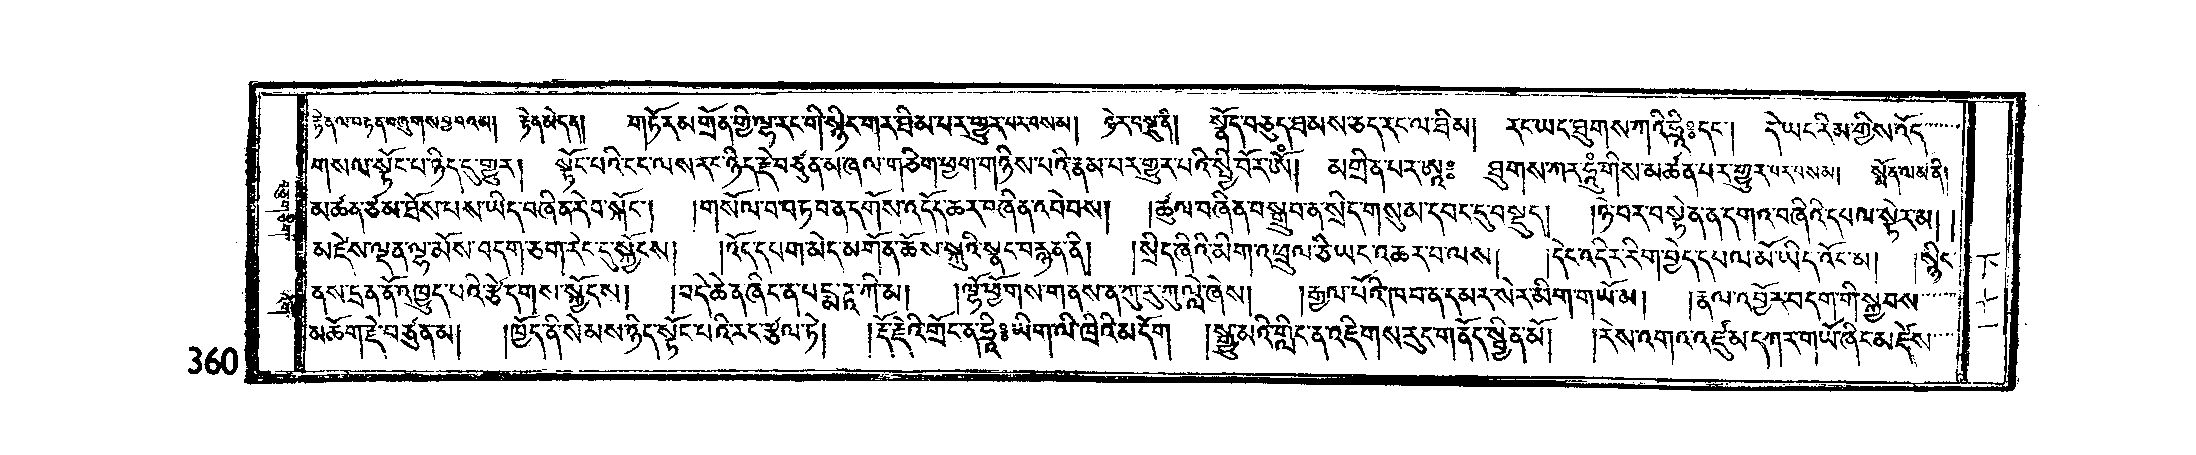རྟེན་ལ་བརྟན་བཞུགས་བྱ་བའམ། རྟེན་མེད་ན། གཏོར་མགྲོན་གྱི་ལྷ་རང་གི་སྙིང་གར་ཐིམ་པར་གྱུར་པར་བསམ། ཉེར་བསྡུ་ནི། སྣོད་བཅུད་ཐམས་ཅད་རང་ལ་ཐིམ། རང་ཡང་ཐུགས་ཀའི་ཧྲཱིཿ དང་། དེ་ཡང་རིམ་གྱིས་འོད་
གསལ་སྟོང་པ་ཉིད་དུ་གྱུར། སྟོང་པའི་ངང་ལས་རང་ཉིད་རྗེ་བཙུན་མ་ཞལ་གཅིག་ཕྱག་གཉིས་པའི་རྣམ་པར་གྱུར་པའི་སྤྱི་བོར་ཨོཾ། མགྲིན་པར་ཨཱཿ ཐུགས་ཀར་ཧཱུཾ་གིས་མཚན་པར་གྱུར་པར་བསམ། སྨོན་ལམ་ནི།
མཚན་ཙམ་ཐོས་པས་ཡིད་བཞིན་རེ་བ་སྐོང་། །གསོལ་བ་བཏབ་ན་དགོས་འདོད་ཆར་བཞིན་འབེབས། །ཚུལ་བཞིན་བསྒྲུབ་ན་སྲིད་གསུམ་དབང་དུ་བསྡུད། །ཉེ་བར་བསྟེན་ན་དགའ་བཞིའི་དཔལ་སྟེར་མ། །
མཛེས་ལྡན་ལྷ་མོས་བདག་ཅག་རེང་དུ་སྐྱོངས། །འོད་དཔག་མེད་མགོན་ཆོས་སྐུའི་སྣང་བརྙན་ནི། །སྲིད་ཞིའི་མིག་འཕྲུལ་ཅི་ཡང་འཆར་བ་ལས། །དེང་འདིར་རིག་བྱེད་དཔལ་མོ་ཡིད་འོང་མ། །སྙིང་
ནས་དྲན་ནོ་འཁྱུད་པའི་རྩེ་དགས་སྐྱོངས། །བདེ་ཆེན་ཞིང་ན་པདམ་ཌཱ་ཀི་མ། །ལྷོ་ཕྱོགས་གནས་ན་ཀུ་རུ་ཀུ་ལླེ་ཞེས། །རྒྱལ་པོའི་ཁབ་ན་དམར་སེར་མིག་གཡོ་མ། །རྣལ་འབྱོར་བདག་གི་སྐྱབས་
མཆོག་རྗེ་བཙུན་མ། །ཁྱོད་ནི་སེམས་ཉིད་སྟོང་པའི་རང་རྩལ་ཏེ། །རྡོ་རྗེའི་གྲོང་ན་ཧྲཱིཿ ཡིག་ལི་ཁྲིའི་མདོག །སྒྱུ་མའི་གླིང་ན་འཇིགས་རུང་གནོད་སྦྱིན་མོ། །རེས་འགའ་འཛུམ་དཀར་གཡོ་ཞིང་མཛེས་